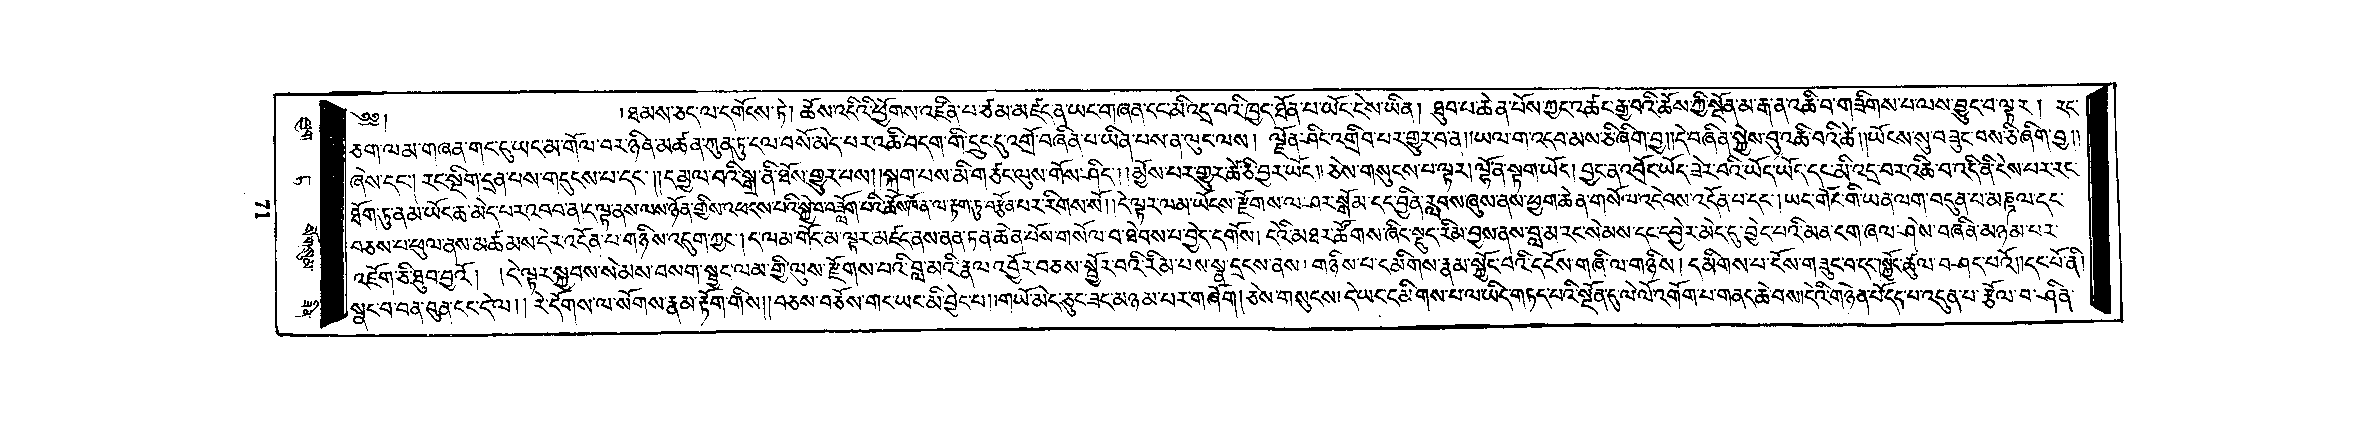༄༅། །ཐམས་ཅད་ལ་དགོངས་ཏེ། ཆོས་འདིའི་ཕྱོགས་འཛིན་པ་ཙམ་མཛད་ན་ཡང་གཞན་དང་མི་འདྲ་བའི་ཁྱད་ཐོན་པ་ཡོང་ངེས་ཡིན། ཐུབ་པ་ཆེན་པོས་ཀྱང་འཚང་རྒྱ་བའི་ཆོས་ཀྱི་སྔོན་མ་རྒ་ན་འཆི་བ་གཟིགས་པ་ལས་བྱུང་བ་ལྟར། རང་
ཅག་ལམ་གཞན་གང་དུ་ཡང་མ་གོལ་བར་ཉིན་མཚན་ཀུན་ཏུ་ངལ་བསོ་མེད་པར་འཆི་བདག་གི་དྲུང་དུ་འགྲོ་བཞིན་པ་ཡིན་པས་ན་ལུང་ལས། ལྗོན་ཤིང་འགྲིབ་པར་གྱུར་བ་ན། །ཡལ་ག་འདབ་མས་ཅི་ཞིག་བྱ། །དེ་བཞིན་སྐྱེས་བུ་འཆི་བའི་ཚེ། །ཡོངས་སུ་བཟུང་བས་ཅི་ཞིག་བྱ། །
ཞེས་དང་། རང་སྡིག་དྲན་པས་གདུངས་པ་དང་། །དམྱལ་བའི་སྒྲ་ནི་ཐོས་གྱུར་པས། །སྐྲག་པས་མི་གཙང་ལུས་གོས་ཤིང་། །མྱོས་པར་གྱུར་ཚེ་ཅི་བྱར་ཡོད། །ཅེས་གསུངས་པ་ལྟར། ལྷོ་ན་སྟག་ཡོད། བྱང་ན་འབྲོང་ཡོད་ཟེར་བའི་ཡོད་ཡོད་དང་མི་འདྲ་བར་འཆི་བ་འདི་ནི་ངེས་པར་རང་
ཐོག་ཏུ་ནམ་ཡོང་ཆ་མེད་པར་འབབ་ན། ད་ལྟ་ནས་ལས་ཉོན་གྱིས་འཕངས་པའི་སྐྱེ་བ་བཟློག་པའི་ཆོས་ཁོ་ན་ལ་རྟག་ཏུ་བརྩོན་པར་རིགས་སོ། །དེ་ལྟར་ལམ་ཡོངས་རྫོགས་ལ་ཤར་སྒོམ་དང་བྱིན་རླབས་ཞུས་ནས་ཕྱག་ཆེན་གསོལ་འདེབས་འདོན་པ་དང་། ཡང་གོང་གི་ཡན་ལག་བདུན་པ་མཎྜལ་དང་
བཅས་པ་ཕུལ་ནས་མཚམས་དེར་འདོན་པ་གཉིས་འདུག་ཀྱང་། ད་ལམ་གོང་མ་ལྟར་མཛད་ནས་ནན་ཏན་ཆེན་པོས་གསོལ་བ་ཐེབས་པ་བྱེད་དགོས། དེའི་མཐར་ཚོགས་ཞིང་སྡུད་རིམ་བྱས་ནས་བླ་མ་རང་སེམས་དང་དབྱེར་མེད་དུ་བྱེད་པའི་མན་ངག་ཞལ་ཤེས་བཞིན་མཉམ་པར་
འཇོག་ཅི་ཐུབ་བྱའོ། །དེ་ལྟར་སྐྱབས་སེམས་བསག་སྦྱང་ལམ་གྱི་ལུས་རྫོགས་པའི་བླ་མའི་རྣལ་འབྱོར་བཅས་སྦྱོར་བའི་རིམ་པས་སྣ་དྲངས་ནས། གཉིས་པ་དམིགས་རྣམ་སྐྱོང་བའི་དངོས་གཞི་ལ་གཉིས། དམིགས་པ་ངོས་གཟུང་བ་དང་། སྐྱོང་ཚུལ་བཤད་པའོ། །དང་པོ་ནི།
སྣང་བ་བན་བུན་ངང་དེ་ལ། །རེ་དོགས་ལ་སོགས་རྣམ་རྟོག་གིས། །བཅས་བཅོས་གང་ཡང་མི་བྱེད་པ། །གཡོ་མེད་ཅུང་ཟད་མཉམ་པར་གཞོག །ཅེས་གསུངས། དེ་ཡང་དམིགས་པ་ལ་ཡིད་གཏད་པའི་སྔོན་དུ་ལེ་ལོ་འགོག་པ་གནད་ཆེ་བས། དེའི་གཉེན་པོ་དང་པ་འདུན་པ་རྩོལ་བ་ཤིན་